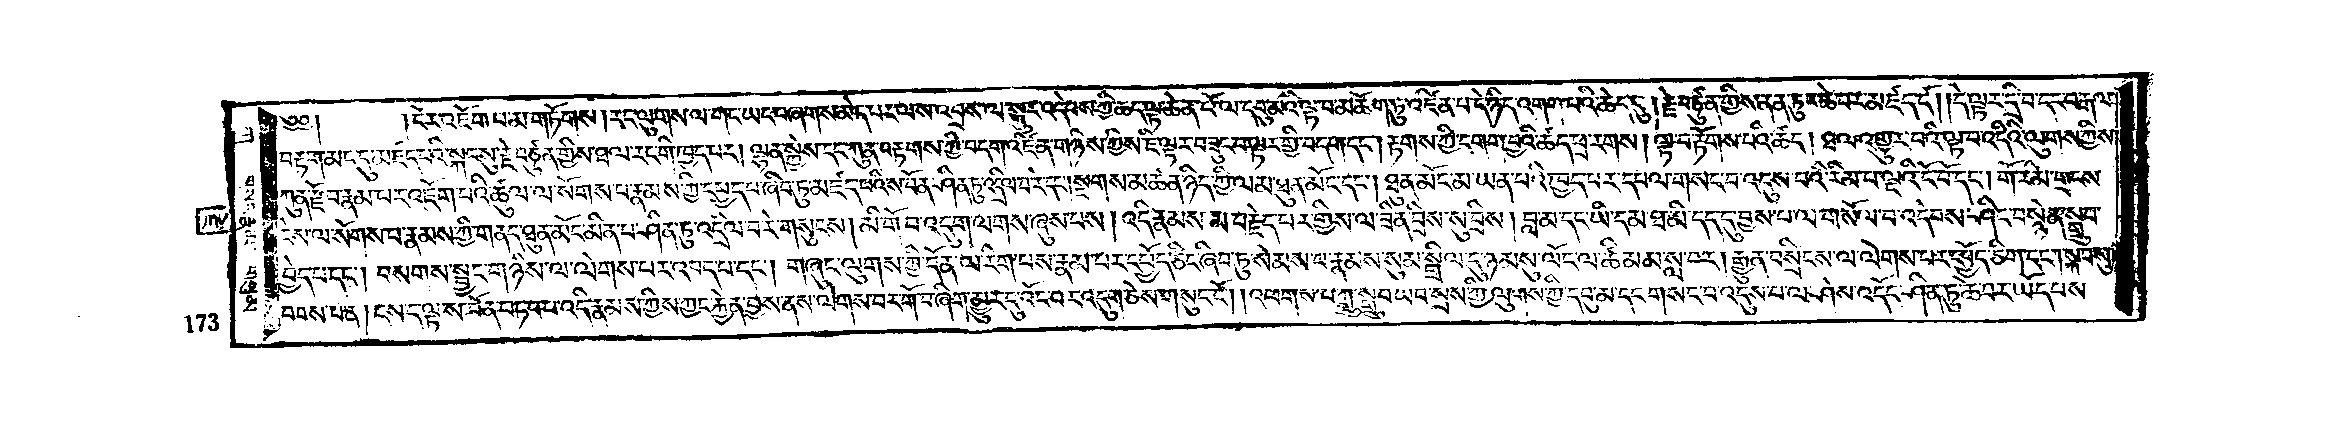༄༅། །ངོར་འཇོག་པ་མ་གཏོགས། རང་ལུགས་ལ་གང་ཡང་བཞག་ས་མེད་པར་ལས་འབྲས་ལ་སྐུར་འདེབས་ཀྱི་ཆད་ལྟ་ཆེན་པོ་ལ་དབུ་མའི་ལྟ་བ་མཆོག་ཏུ་འཛིན་པ་དེ་ཉིད་འགག་པའི་ཆེད་དུ། རྗེ་བཙུན་གྱིས་ནན་ཏུར་ཆེ་བར་མཛད་དོ། །དེ་ལྟར་དྲི་བ་དང་བརྒལ་
བརྟག་མང་དུ་མཛད་པའི་སྐབས་སུ་རྗེ་བཙུན་གྱིས་ཐལ་རང་གི་ཁྱད་པར། ལྷན་སྐྱེས་དང་ཀུན་བརྟགས་ཀྱི་བདག་འཛིན་གཉིས་ཀྱིས་ཇི་ལྟར་གྱི་བདག་དང་། རྟགས་ཀྱི་དགག་བྱའི་ཚད་ཕྲ་རགས། ལྟ་བ་རྟོགས་པའི་ཚད། ཐལ་འགྱུར་བའི་ལྟ་བ་འདིའི་ལུགས་ཀྱིས་
ཀུན་རྫོབ་བ་རྣམ་པར་འཇོག་པའི་ཚུལ་ལ་སོགས་པ་རྣམས་ཀྱི་པ་དཔྱད་པ་ཞིབ་ཏུ་མཛད་པའི་ས་བོན་ཤིན་ཏུ་འདྲིལ་བ་རེ་དང་། སྔགས་མཚན་ཉིད་ཀྱི་ལམ་ཐུན་མོང་དང་། ཐུན་མོང་མ་ཡིན་པའི་ཁྱད་པར་དཔལ་གསང་བ་འདུས་པའི་རིམ་པ་ལྔའི་ངོ་བོ་དང་། གོ་རིམ་གྲངས་
ངེས་ལ་སོགས་པ་རྣམས་ཀྱི་གནད་ཐུན་མོང་མིན་པ་ཤིན་ཏུ་འདྲིལ་བ་རེ་གསུངས། མི་གོ་བ་འདུག་ལགས་ཞུས་པས། འདི་རྣམས་མ་བརྗེད་པར་གྱིས་ལ་ཟིན་བྲིས་སུ་བྲིས། བླ་མ་དང་ཡི་དམ་ཐ་མི་དད་དུ་བྱས་པ་ལ་གསོལ་བ་འདེབས་ཤིང་བསྙེན་སྒྲུབ་
བྱེད་པ་དང་། བསགས་སྦྱང་གཉིས་ལ་ལེགས་པར་འབད་པ་དང་། གཞུང་ལུགས་ཀྱི་དོན་ལ་རིག་པས་རྣམ་པར་དཔྱོད་ཅིང་ཞིབ་ཏུ་སེམས་པ་རྣམས་སུམ་སྒྲིལ་དུ་ཉམས་སུ་ལོང་ལ་ཚིམ་མ་སླ་བར། རྒྱུན་བསྲིངས་ལ་ལེགས་པར་དཔྱོད་ཅིག་དང་། སྐབས་སུ་
བབས་པ་ན། ངས་ད་ལྟ་ས་བོན་བཏབ་པ་འདི་རྣམས་ཀྱིས་ཀྱང་རྐྱེན་བྱས་ནས་ལེགས་པར་གོ་བ་ཞིག་མྱུར་དུ་འོང་བར་འདུག་ཅེས་གསུང་ངོ། །འཕགས་པ་ཀླུ་སྒྲུབ་ཡབ་སྲས་ཀྱི་ལུགས་ཀྱི་དབུ་མ་དང་གསང་བ་འདུས་པ་ལ་ཤེས་འདོད་ཤིན་ཏུ་ཆེ་བར་ཡོད་པས་